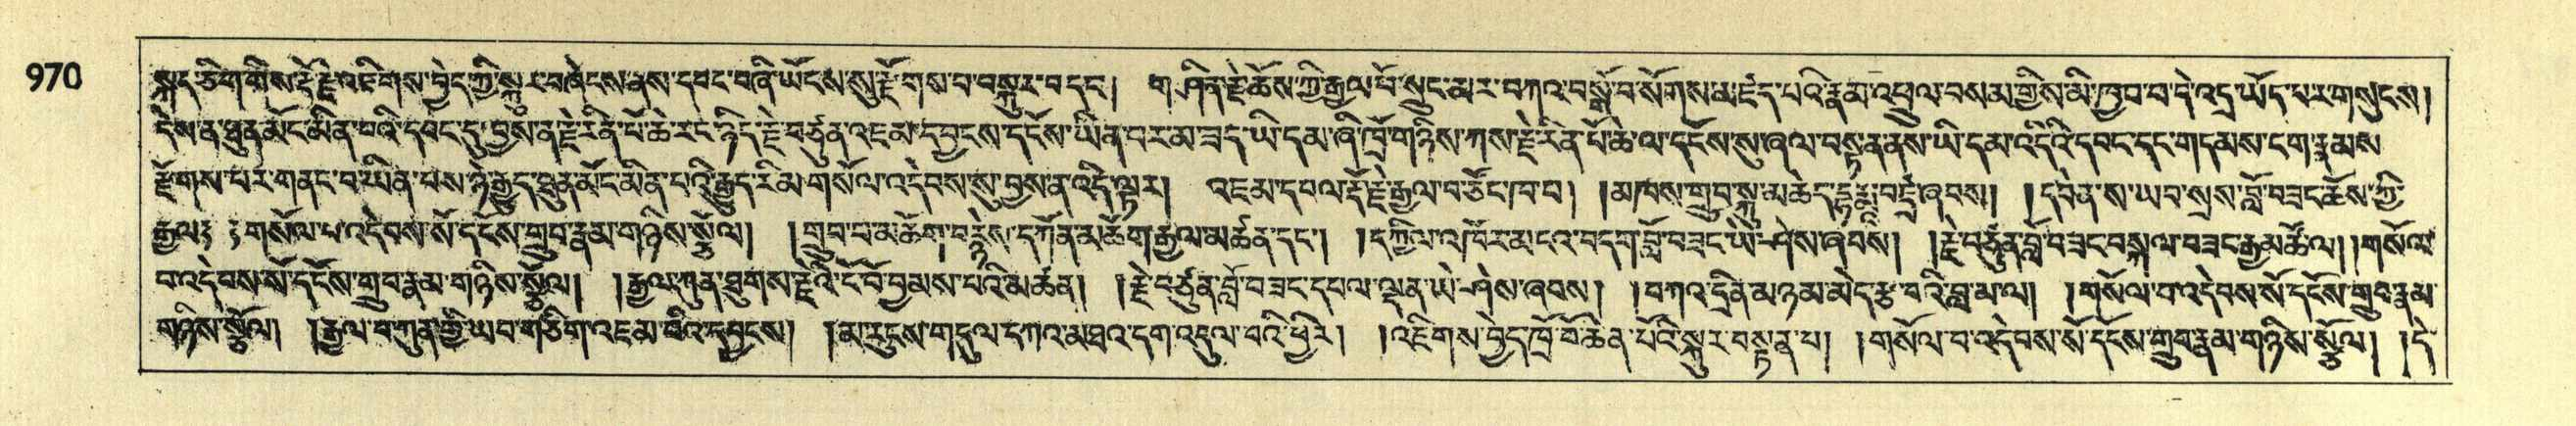སྐད་ཅིག་གིས་རྡོ་རྗེ་འཇིགས་བྱེད་ཀྱི་སྐུར་བཞེངས་ནས་དབང་བཞི་ཡོངས་སུ་རྫོགས་བ་བསྐུར་བ་དང་། གཤིན་རྗེ་ཆོས་ཀྱི་རྒྱལ་པོ་སྲུང་མར་བཀའ་བསྒོ་བ་སོགས་མཛད་པའི་རྣམ་འཕྲུལ་བསམ་གྱིས་མི་ཁྱབ་བ་དེ་འདྲ་ཡོད་པར་གསུངས།
དེས་ན་ཐུན་མོང་མིན་བའི་དབང་དུ་བྱས་ན་རྗེ་རིན་པོ་ཆེ་རང་ཉིད་རྗེ་བཙུན་འཇམ་དབྱངས་དངོས་ཡིན་བར་མ་ཟད་ཡི་དམ་ཞི་ཁྲོ་གཉིས་ཀས་རྗེ་རིན་པོ་ཆེ་ལ་དངོས་སུ་ཞལ་བསྟན་ནས་ཡི་དམ་འདིའི་དབང་དང་གདམས་ངག་རྣམས་
རྫོགས་པར་གནང་བ་ཡིན་པས་ཉེ་རྒྱུད་ཐུན་མོང་མིན་པའི་རྒྱུད་རིམ་གསོལ་འདེབས་སུ་བྱས་ན་འདི་ལྟར། འཇམ་དཔལ་རྡོ་རྗེ་རྒྱལ་བ་ཙོང་ཁ་བ། །མཁས་གྲུབ་སྐུ་མཆེད་དྷརྨཱ་བཛྲ་ཞབས། །དབེན་ས་ཡབ་སྲས་བློ་བཟང་ཆོས་ཀྱི་
རྒྱལ༑ ༑གསོལ་པ་འདེབས་སོ་དངོས་གྲུབ་རྣམ་གཉིས་སྩོལ། །གྲུབ་བ་མཆོག་བརྙེས་དཀོན་མཆོག་རྒྱལ་མཚན་དང་། །དཀྱིལ་འཁོར་མངའ་བདག་བློ་བཟང་ཡེ་ཤེས་ཞབས། །རྗེ་བཙུན་བློ་བཟང་བསྐལ་བཟང་རྒྱ་མཚོ་ལ། །གསོལ་
བ་འདེབས་སོ་དངོས་གྲུབ་རྣམ་གཉིས་སྩོལ། །རྒྱལ་ཀུན་ཐུགས་རྗེའི་ངོ་བོ་བྱམས་པའི་མཚན། །རྗེ་བཙུན་བློ་བཟང་དཔལ་ལྡན་ཡེ་ཤེས་ཞབས། །བཀའ་དྲིན་མཉམ་མེད་རྩ་བའི་བླ་མ་ལ། །གསོལ་བ་འདེབས་སོ་དངོས་གྲུབ་རྣམ་
གཉིས་སྩོལ། །རྒྱལ་བ་ཀུན་གྱི་ཡབ་གཅིག་འཇམ་བའི་དབྱངས། །མ་རུངས་གདུལ་དཀའ་མཐའ་དག་འདུལ་བའི་ཕྱིར། །འཇིགས་བྱེད་ཁྲོ་བོ་ཆེན་པོའི་སྐུར་བསྟན་པ། །གསོལ་བ་འདེབས་སོ་དངོས་གྲུབ་རྣམ་གཉིས་སྩོལ། །དེ་